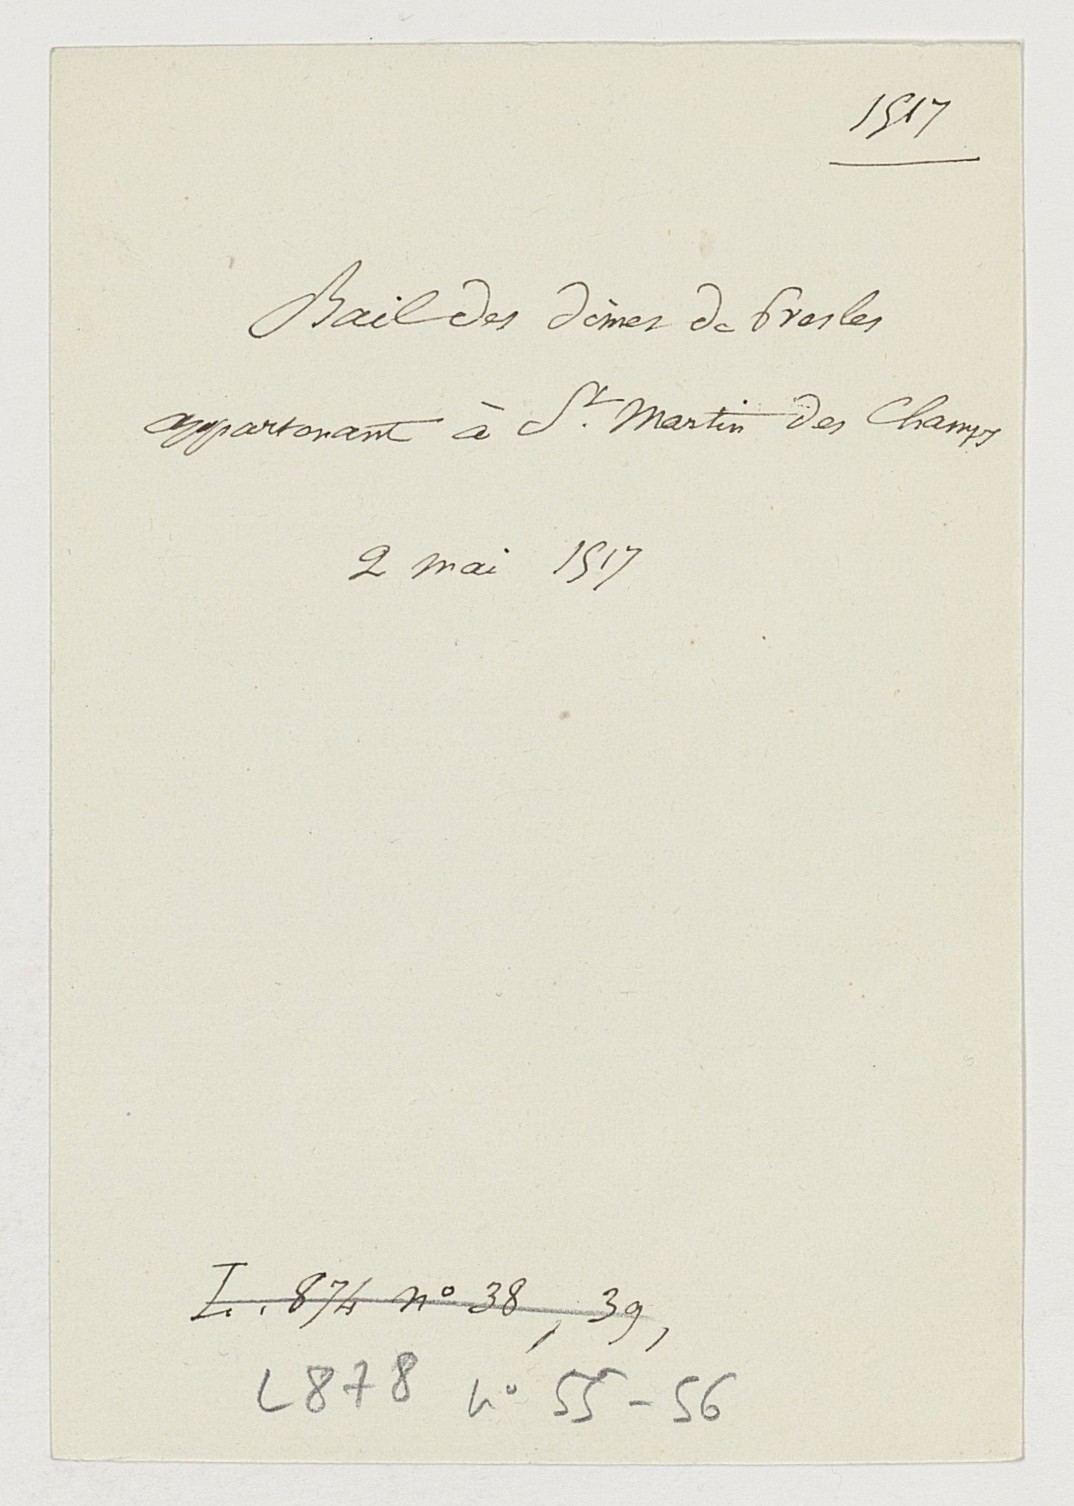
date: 1517
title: Bail des dîmes de Presles appartenant à Saint-Martin des Champs
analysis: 2 mai 1517
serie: L
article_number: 878
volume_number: n° 55-56
